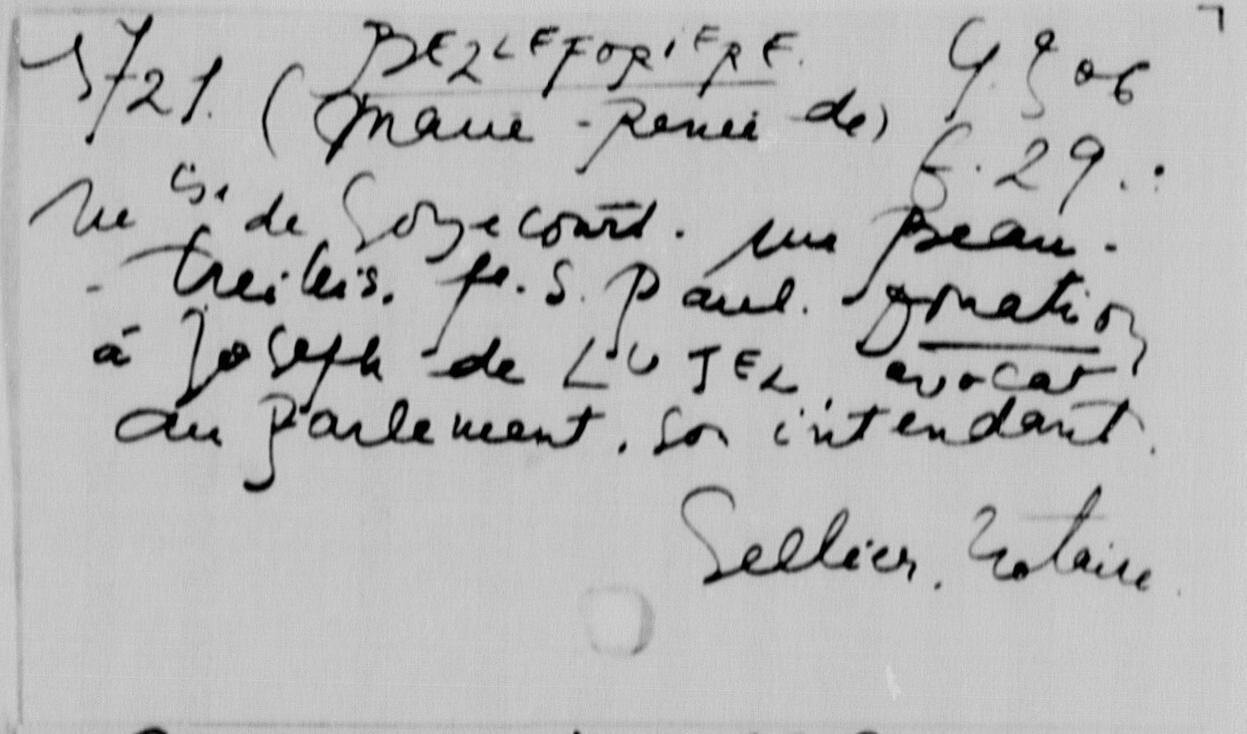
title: BELLEFORIERE (Marie-Renée de)
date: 1721
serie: Y
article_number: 306
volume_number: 29
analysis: Marquis de SoyecoUrt, rue Beautreillis, paroisse Saint-Paul. Donation à Joseph de LUTEL, avocat au Parlement, son intendant. Sellier, notaire.
